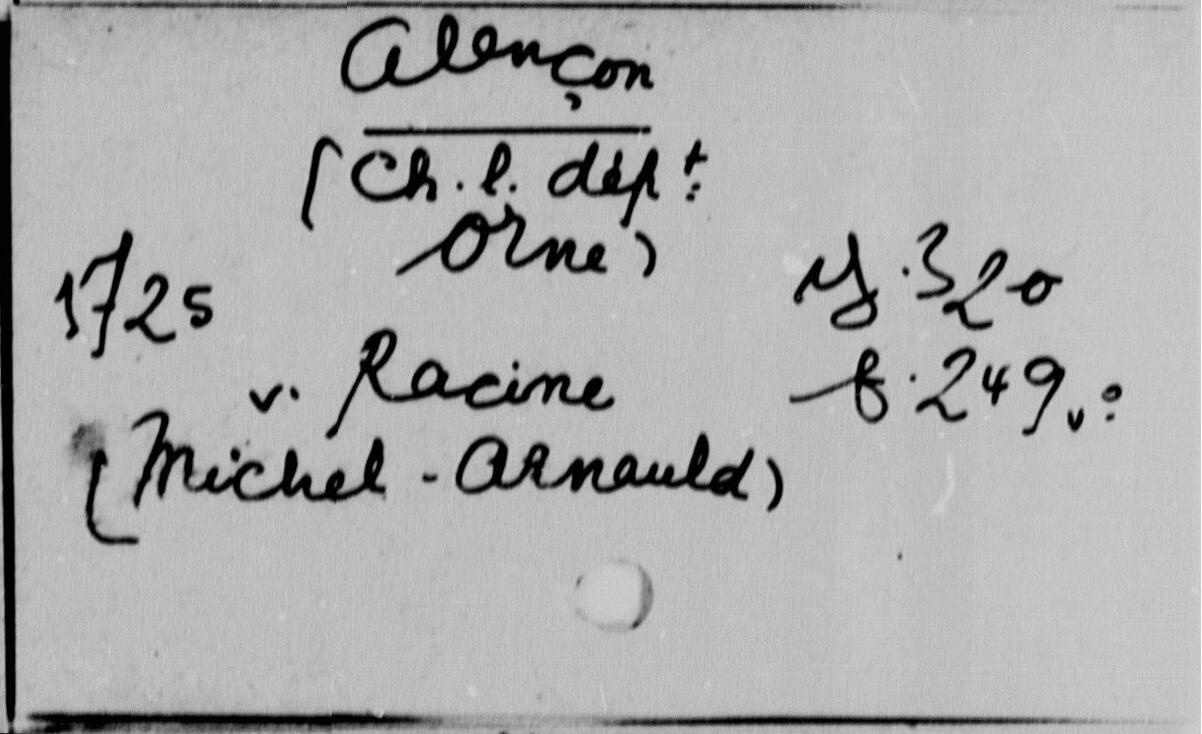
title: ALENÇON (chef-lieu de département, département de l'Orne)
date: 1725
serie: Y
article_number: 320
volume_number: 249v
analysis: Voir RACINE (Michel-Arnauld)
